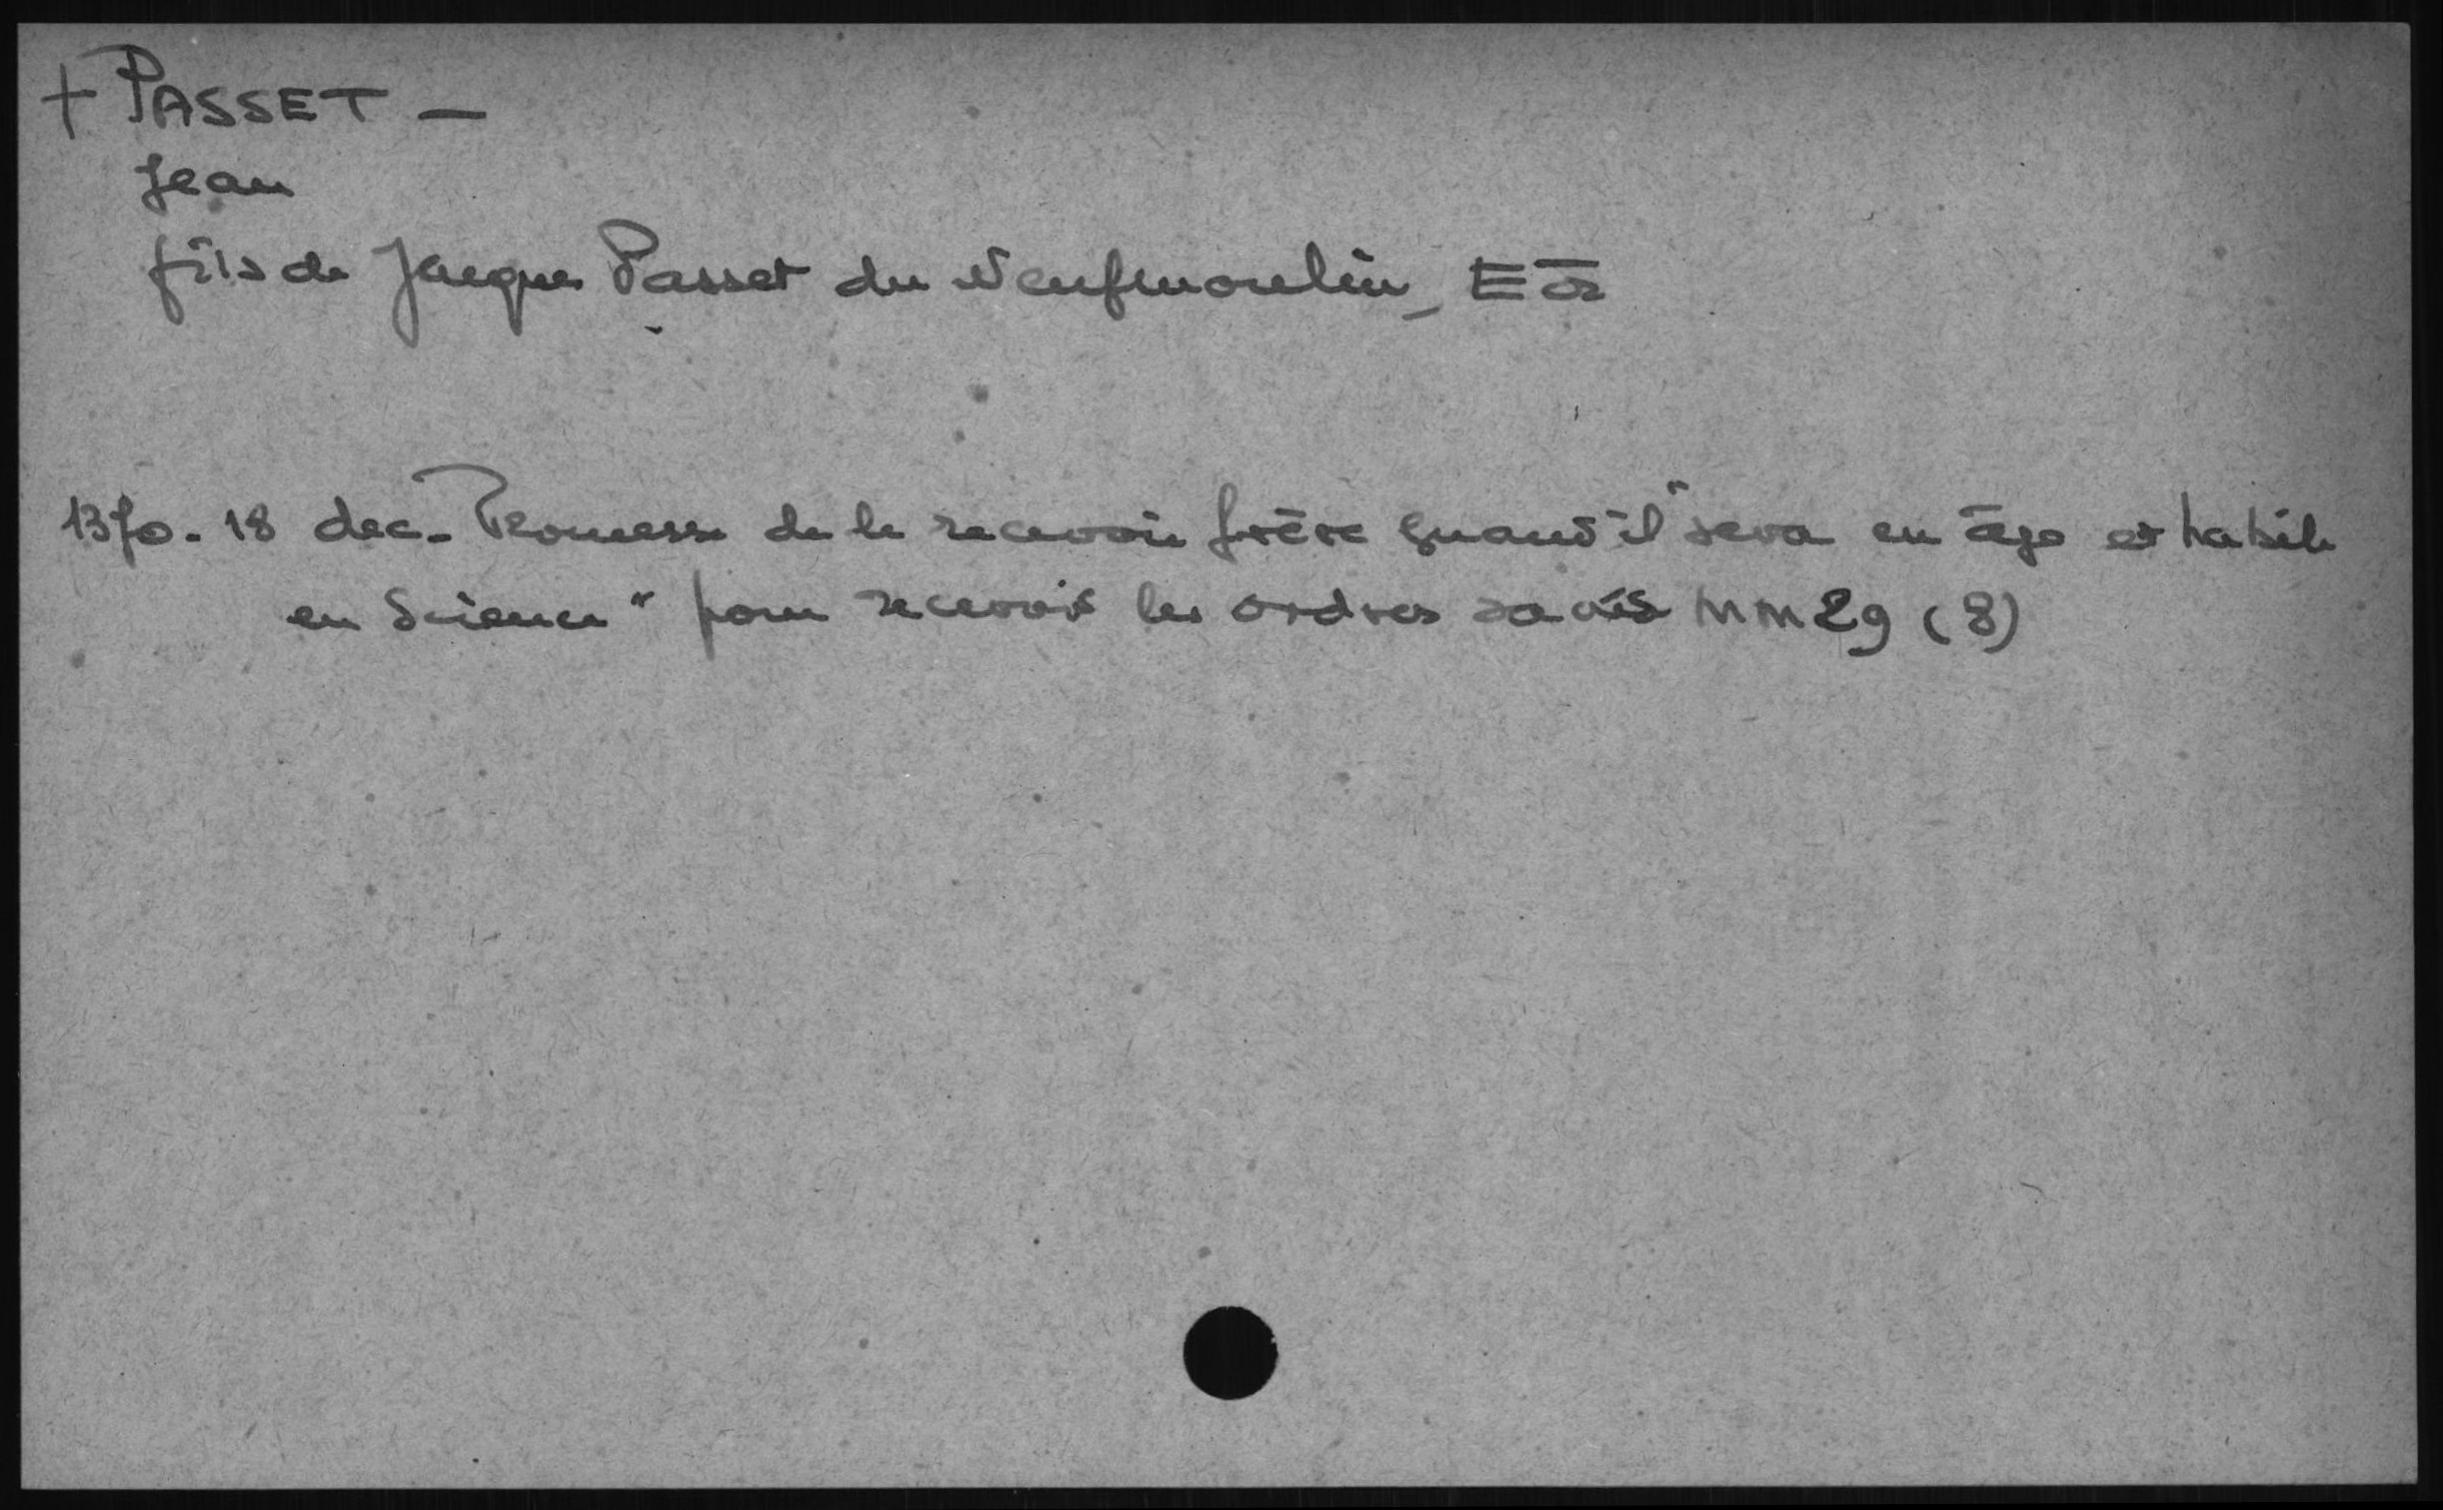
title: + PASSET Jean fils de Jacques Passet du Neufmoulin, écuyer
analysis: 1370, 18 décembre Promesse de le recevoir frère quand il "sera en âge et habile en science" pour recevoir les ordres sacrés. MM 29 (8)
